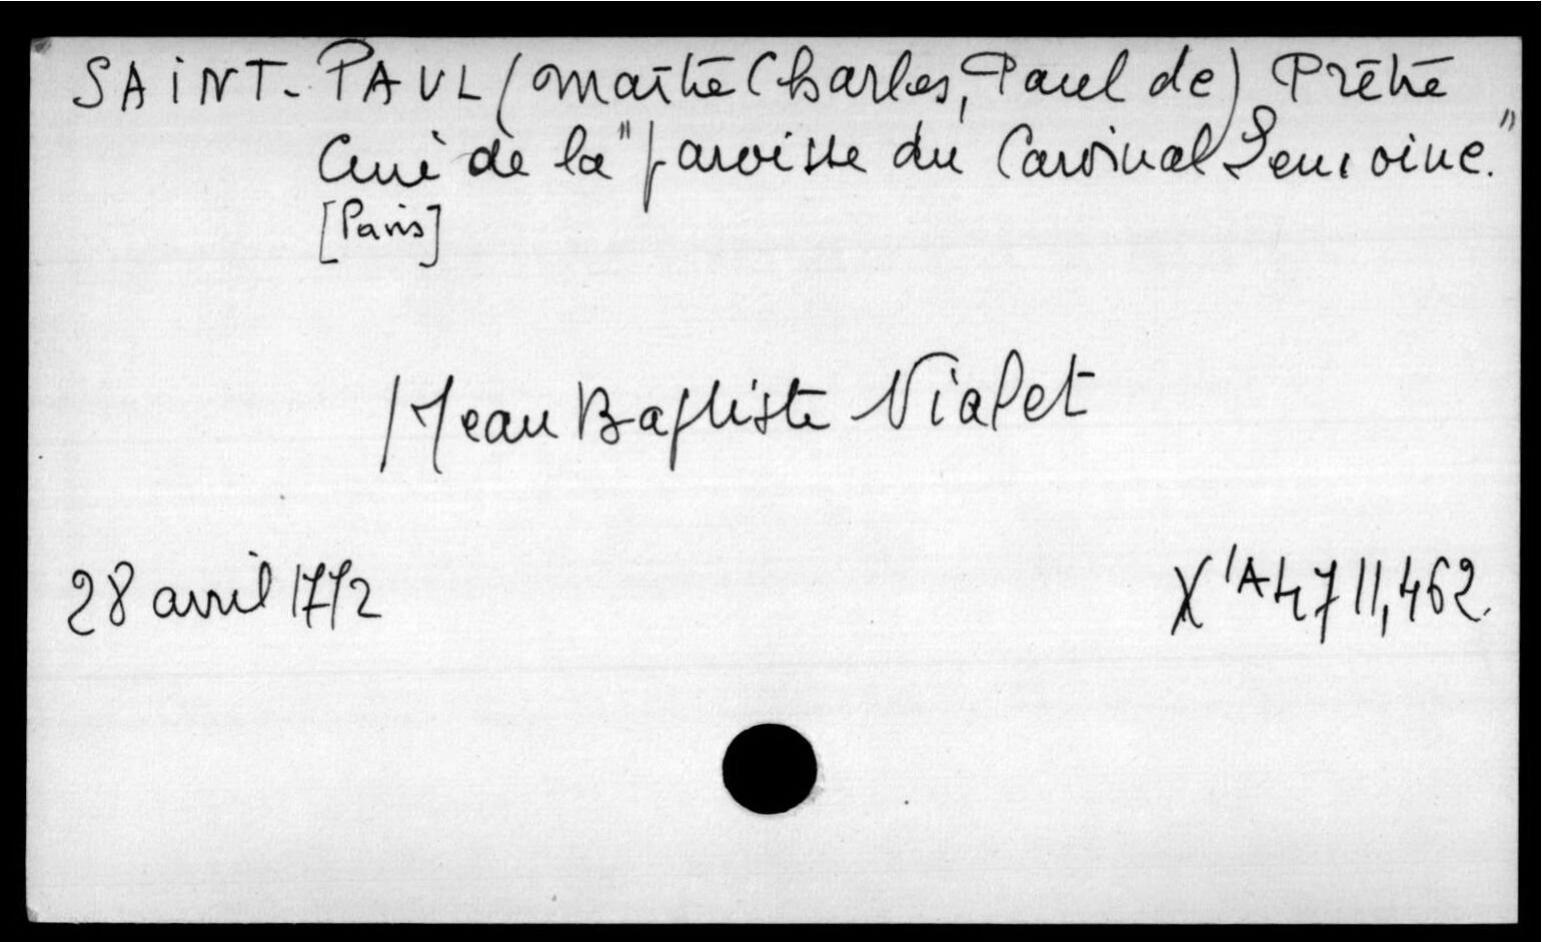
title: SAINT-PAUL (Maître Charles, Paul de) Prêtre curé de la "paroisse du Cardinal Lemoine" [Paris]
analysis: Contre Jean Baptiste Vialet
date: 28 avril 1772
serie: X1A
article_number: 4711
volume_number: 462
